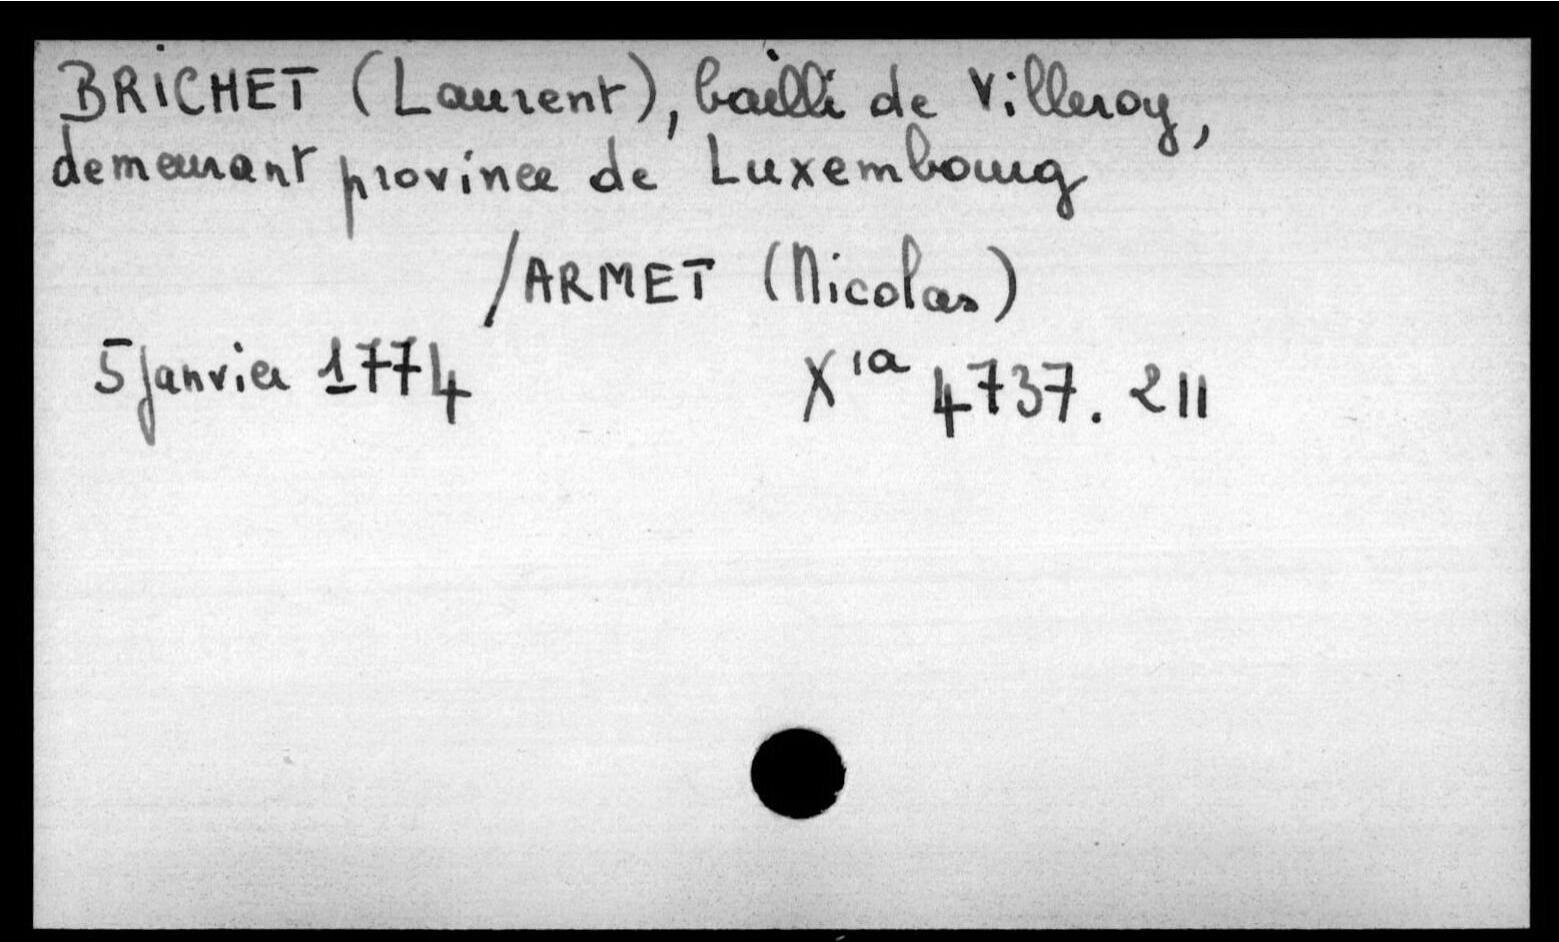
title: BRICHET (Laurent), baille de Villeroy, demeurant province de Luxembourg
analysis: Contre ARMET (Nicolas)
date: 5 janvier 1774
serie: X1a
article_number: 4737
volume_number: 211
